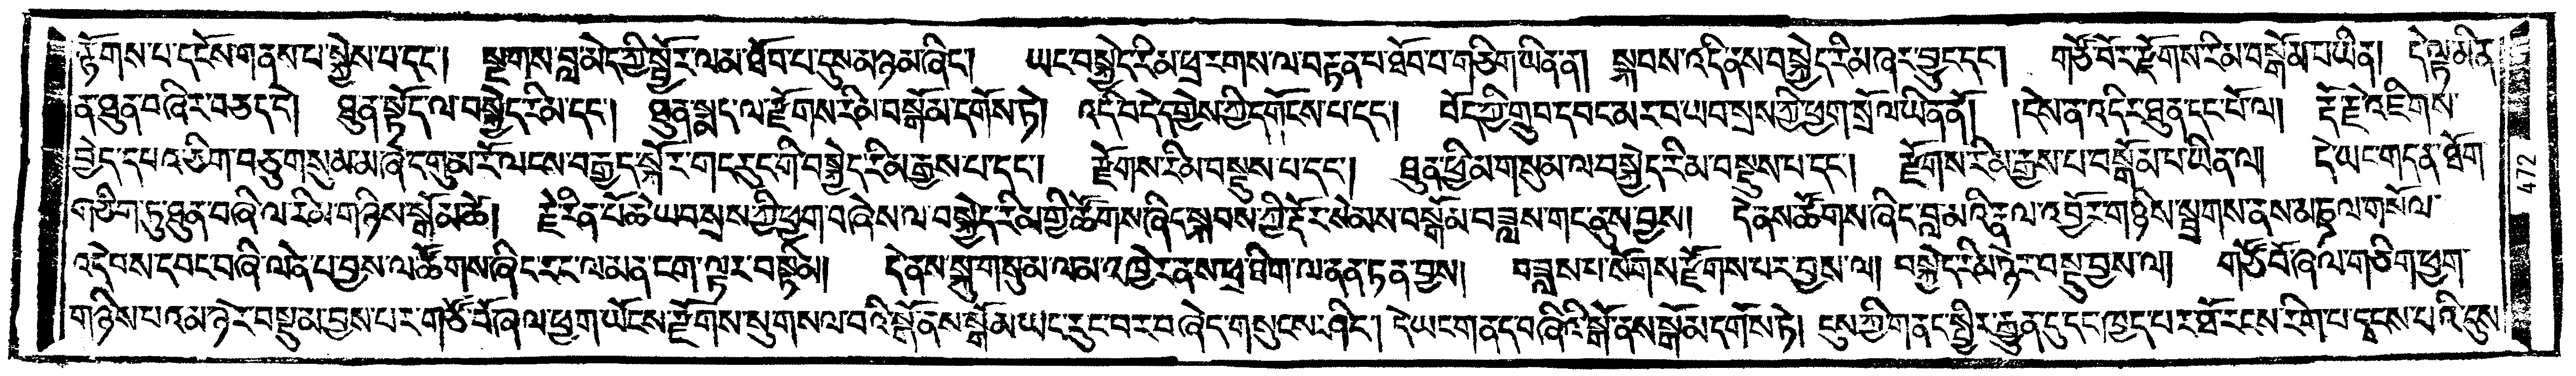རྟོགས་པ་དངོས་གནས་པ་སྐྱེས་པ་དང་། སྔགས་བླ་མེད་ཀྱི་སྦྱོར་ལམ་ཐོབ་པ་དུས་མཉམ་ཞིང་། ཡང་བསྐྱེད་རིམ་ཕྲ་རགས་ལ་བརྟན་པ་ཐོབ་པ་གཅིག་ཡིན་ན། སྐབས་འདི་ནས་བསྐྱེད་རིམ་ཞར་བྱུང་དང་། གཙོ་བོར་རྫོགས་རིམ་བསྒོམ་པ་ཡིན། དེ་ལྟ་མིན་
ན་ཐུན་བཞིར་བཅད་དེ། ཐུན་སྟོད་ལ་བསྐྱེད་རིམ་དང་། ཐུན་སྨད་ལ་རྫོགས་རིམ་བསྒོམ་དགོས་ཏེ། འདི་བདེ་དགྱེས་ཀྱི་དགོངས་པ་དང་། བོད་ཀྱི་གྲུབ་དབང་མར་བ་ཡབ་སྲས་ཀྱི་ཕྱག་སྲོལ་ཡིན་ནོ། །དེས་ན་འདིར་ཐུན་དང་པོ་ལ། རྡོ་རྗེ་འཇིགས་
བྱེད་དཔའ་ཅིག་བཅུ་གསུམ་མ་ཞེ་དགུ་མ་རོ་ལངས་བརྒྱད་སྐོར་གང་རུང་གི་བསྐྱེད་རིམ་རྒྱས་པ་དང་། རྫོགས་རིམ་བསྡུས་པ་དང་། ཐུན་ཕྱི་མ་གསུམ་ལ་བསྐྱེད་རིམ་བསྡུས་པ་དང་། རྫོགས་རིམ་རྒྱས་པ་བསྒོམ་པ་ཡིན་ལ། དེ་ཡང་གདན་ཐོག་
གཅིག་ཏུ་ཐུན་བཞི་ལ་རིམ་གཉིས་སྒོམ་ཚེ། རྗེ་རིན་པོ་ཆེ་ཡབ་སྲས་ཀྱི་ཕྱག་བཞེས་ལ་བསྐྱེད་རིམ་གྱི་ཚོགས་ཞིང་སྐབས་ཀྱི་རྡོར་སེམས་བསྒོམ་བཟླས་གང་ནུས་བྱས། དེ་ནས་ཚོགས་ཞིང་བླ་མའི་རྣལ་འབྱོར་གཉིས་སྦྲགས་ནས་མཎྜལ་གསོལ་
འདེབས་དབང་བཞི་ལེན་པ་བྱས་ལ་ཚོགས་ཞིང་རང་ལ་མན་ངག་ལྟར་བསྟིམ། དེ་ནས་སྐུ་གསུམ་ལམ་འཁྱེར་ནས་ཕྲ་ཐིག་ལ་ནན་ཏན་བྱས། བཟླས་པ་སོགས་རྫོགས་པར་བྱས་ལ། བསྐྱེད་རིམ་ཉེར་བསྡུ་བྱས་ལ། གཙོ་བོ་ཞལ་གཅིག་ཕྱག་
གཉིས་པའམ་ཉེར་བསྡུ་མ་བྱས་པར་གཙོ་བོ་ཞལ་ཕྱག་ཡོངས་རྫོགས་སུ་གསལ་བའི་སྒོ་ནས་སྒོམ་ཡང་རུང་བར་བཞེད་གསུངས་ཤིང་། དེ་ཡང་གནད་བཞིའི་སྒོ་ནས་སྒོམ་དགོས་ཏེ། དུས་ཀྱི་གནད་སྤྱིར་རྒྱུན་དུ་དང་ཁྱད་པར་ཐོ་རངས་རིག་པ་དྭངས་པའི་དུས་